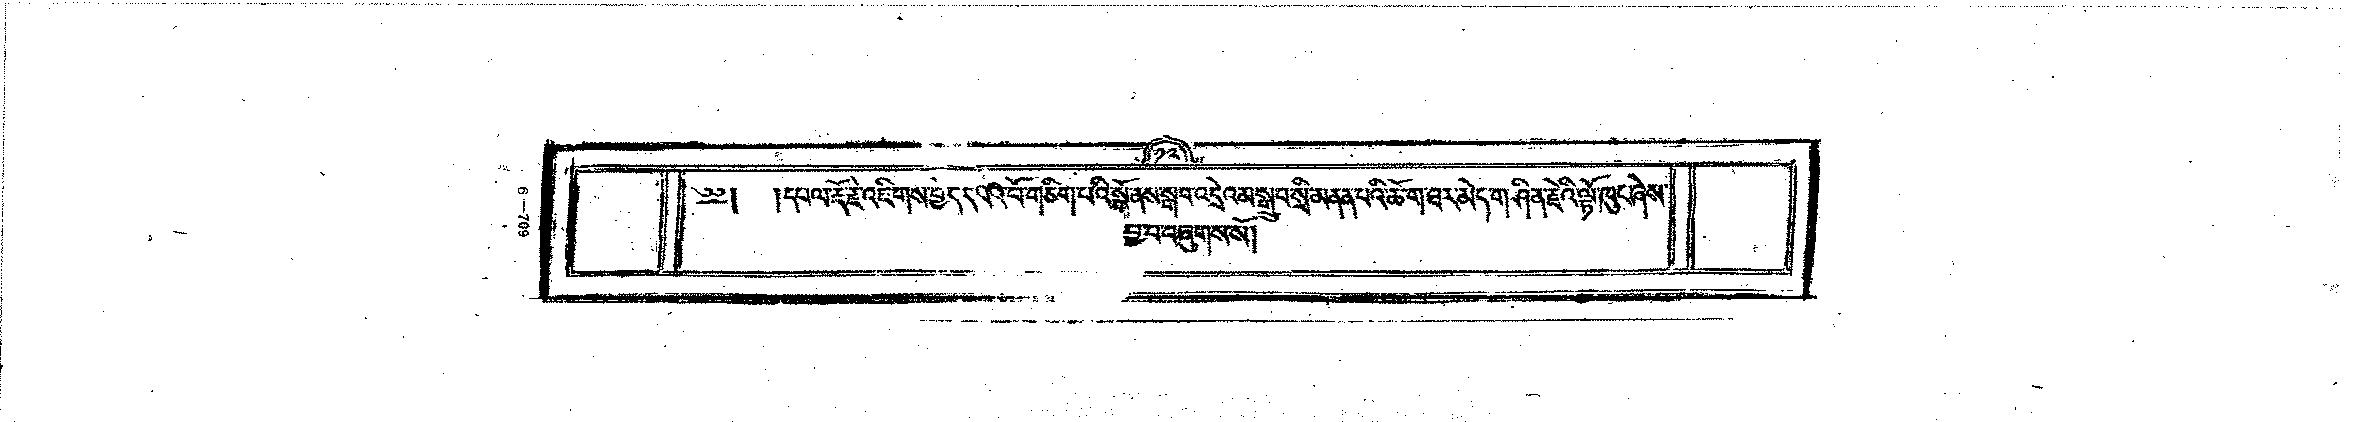༄༅། །དཔལ་རྡོ་རྗེ་འཇིགས་བྱེད་དཔའ་བོ་གཅིག་པའི་སྒོ་ནས་སྒབ་འདྲེའམ་སྒྲུབ་སྲི་མནན་པའི་ཆོ་ག་ཐར་མེད་གཤིན་རྗེའི་ལྷོ་ཁུང་ཞེས་
བྱ་བ་བཞུགས་སོ།